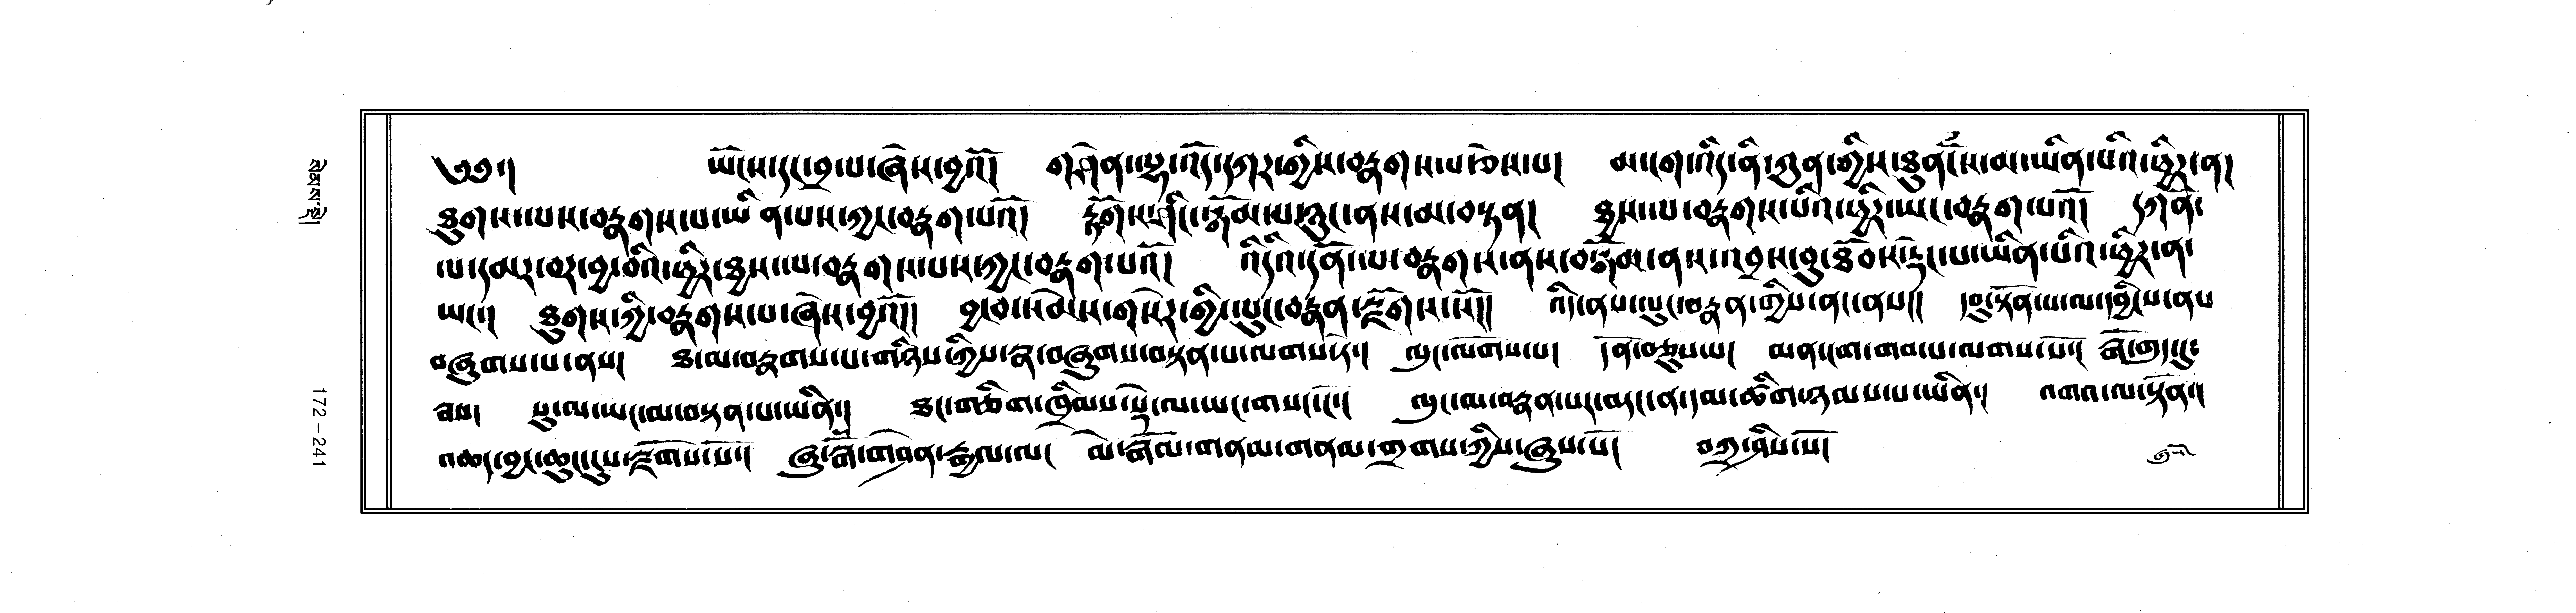ཡོངས་དང་བྲལ་ཞེས་བྱའོ། གཤེན་ལྷ་འོད་དཀར་གྱིས་བརྣགས་པ་ཅེས་པ། མ་ངག་འདི་ནི་ཀུན་གྱིས་ཐུན་མོངས་མ་ཡིན་པའི་ཕྱིར་ན། 
ཐུགས་ལས་བརྣགས་པ་ཡིན་པས་ཀྱང་བརྣག་པའོ། རྟོགས་ཤིང་སྒོམས་པ་ཉུང་ནས་མ་བསྟན། ཐུགས་ལ་བརྣགས་པའི་ཕྱིར་ཡང་བརྣག་པའོ། དཀོན་
ལ་དམར་བར་བྱ་བའི་ཕྱིར་ཐུགས་ལ་བརྣགས་པས་ཀྱང་བརྣག་པའོ། འདིའི་དོན་ལ་བརྣགས་ནས་བསྒོམ་ནས་འབྲས་བུ་ཐོབས་གདེང་པ་ཡིན་པའི་ཕྱིར་ན་
ཡང་། ཐུགས་ཀྱི་བརྣགས་པ་ཞེས་བྱའོ། བྱང་ཆུབ་ཀྱིས་སེམས་གསརེ་གྱི་ལུང་བརྣོན་རྫོགས་སྭོ། འདི་ནས་ལུང་བརྣན་གྱིས་ནང་ནས། དབུ་སྟོན་པ་ལ་དབྱིངས་ནས་
བཞུགས་པ་ནས། ཐ་མ་བརྣགས་པ་གཉིས་ཀྱིས་རྣ་བཞུགས་བསྟན་པ་ལགས་ཏེ། ལུང་ལོག་པ། དོན་བཅུས་པ། མན་ངག་གབ་པ་ལགས་སོ། སྒོ་གུད་དུ་
རྦས། སུ་ལ་ཡང་མ་བསྟན་པ་ཡིན། ཐང་གཅིག་ཁྲིམས་སྡེ་ལ་ཡང་གསང་ངོ་། ལུང་མ་བརྣན་པར་བར་སྣང་ན་དམ་ཚིགས་ཉམས་པ་ཡིན། འགའ་ལ་སྟོན། 
འཆད་བྱང་ཆུང་ངུས་རྫོགས་སོ། ཞུ་སྒོམ་གཤེན་རྒྱལ་ལ། མེ་སྒོམ་གནམ་གྲགས་ཀྱིས་ཞུས་སོ། བཀྲ་ཤིས་སོ།